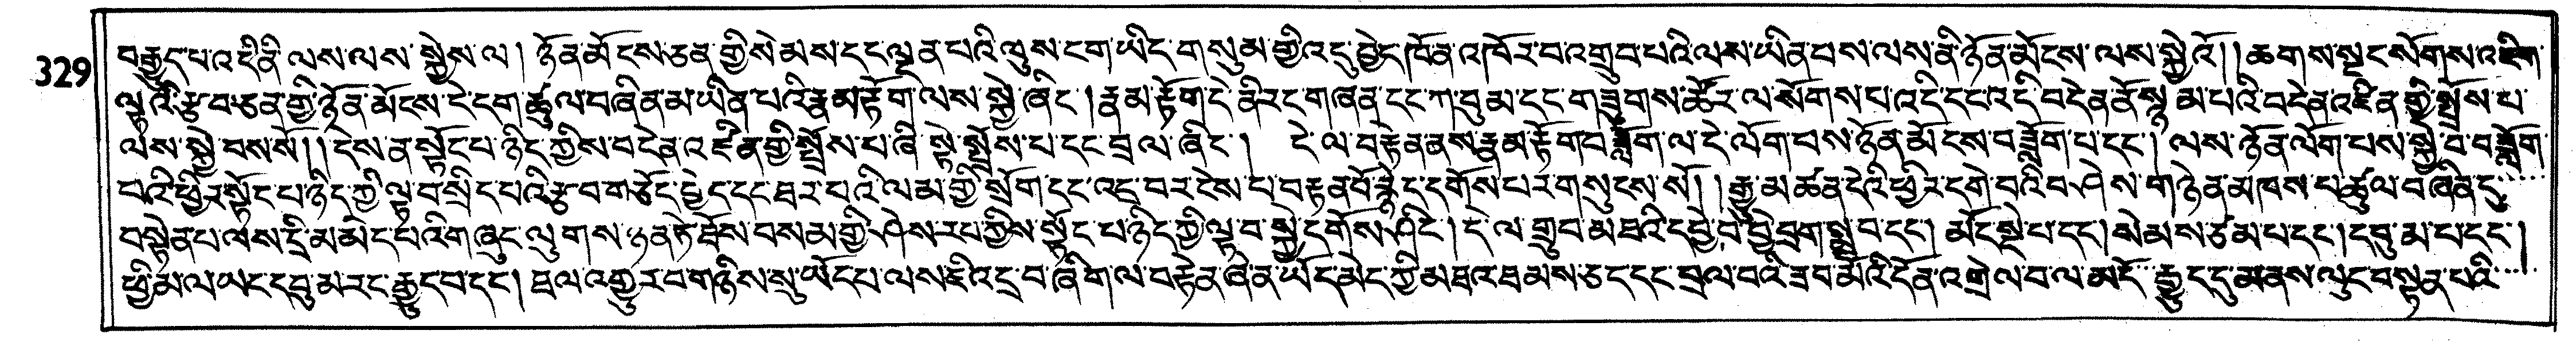བརྒྱུད་པ་འདི་ནི་ལས་ལས་སྐྱེས་ལ། ཉོན་མོངས་ཅན་གྱི་སེམས་དང་ལྡན་པའི་ལུས་ངག་ཡིད་གསུམ་གྱི་འདུ་བྱེད་ཁོ་ན་འཁོར་བ་འགྲུབ་པའི་ལས་ཡིན་པས་ལས་ནི་ཉོན་མོངས་ལས་སྐྱེའོ། །ཆགས་སྡང་སོགས་འཇིག་
ལྟའི་རྩ་བ་ཅན་གྱི་ཉོན་མོངས་དེ་དག་ཚུལ་བཞིན་མ་ཡིན་པའི་རྣམ་རྟོག་ལས་སྐྱེ་ཞིང་། རྣམ་རྟོག་དེ་ནི་རང་གཞན་དང་ཀ་བུམ་དང་གཟུགས་ཚོར་ལ་སོགས་པ་འདི་དང་འདི་བདེན་ནོ་སྙམ་པའི་བདེན་འཛིན་གྱི་སྤྲོས་པ་
ལས་སྐྱེ་བས་སོ། །དེས་ན་སྟོང་པ་ཉིད་ཀྱིས་བདེན་འཛིན་གྱི་སྤྲོས་པ་ཞི་སྟེ་སྤྲོས་པ་དང་བྲལ་ཞིང་། དེ་ལ་བརྟེན་ནས་རྣམ་རྟོག་བཟློག་ལ་དེ་ལོག་པས་ཉོན་མོངས་བཟློག་པ་དང་། ལས་ཉོན་ལོག་པས་སྐྱེ་བ་བཟློག་
པའི་ཕྱིར་སྟོང་པ་ཉིད་ཀྱི་ལྟ་བ་སྲིད་པའི་རྩ་བ་གཅོད་བྱེད་དང་ཐར་པའི་ལམ་གྱི་སྲོག་དང་འདྲ་བར་ངེས་པ་བརྟན་པོ་རྙེད་དགོས་པར་གསུངས་སོ། །རྒྱུ་མཚན་དེའི་ཕྱིར་དགེ་བའི་བཤེས་གཉེན་མཁས་པ་ཚུལ་བཞིན་དུ་
བསྟེན་པ་ལས་དྲི་མ་མེད་པའི་གཞུང་ལུགས་ཉན་ཏེ་ཐོས་བསམ་གྱི་ཤེས་རབ་ཀྱིས་སྟོང་པ་ཉིད་ཀྱི་ལྟ་བ་སྐྱེ་དགོས་ཤིང་། དེ་ལ་གྲུབ་མཐའི་དབྱེ་བ་བྱེ་བྲག་སྨྲ་བ་དང་། མདོ་སྡེ་པ་དང་། སེམས་ཙམ་པ་དང་། དབུ་མ་པ་དང་།
ཕྱི་མ་ལ་ཡང་དབུ་མ་རང་རྒྱུད་པ་དང་། ཐལ་འགྱུར་བ་གཉིས་སུ་ཡོད་བ་ལས་ཇི་འདྲ་བ་ཞིག་ལ་བརྟེན་ཞེ་ན་ཡོད་མེད་ཀྱི་མཐའ་ཐམས་ཅད་དང་བྲལ་བའི་ཟབ་མོའི་དོན་འགྲེལ་བ་ལ་མདོ་རྒྱུད་དུ་མ་ནས་ལུང་བསྟན་པའི་